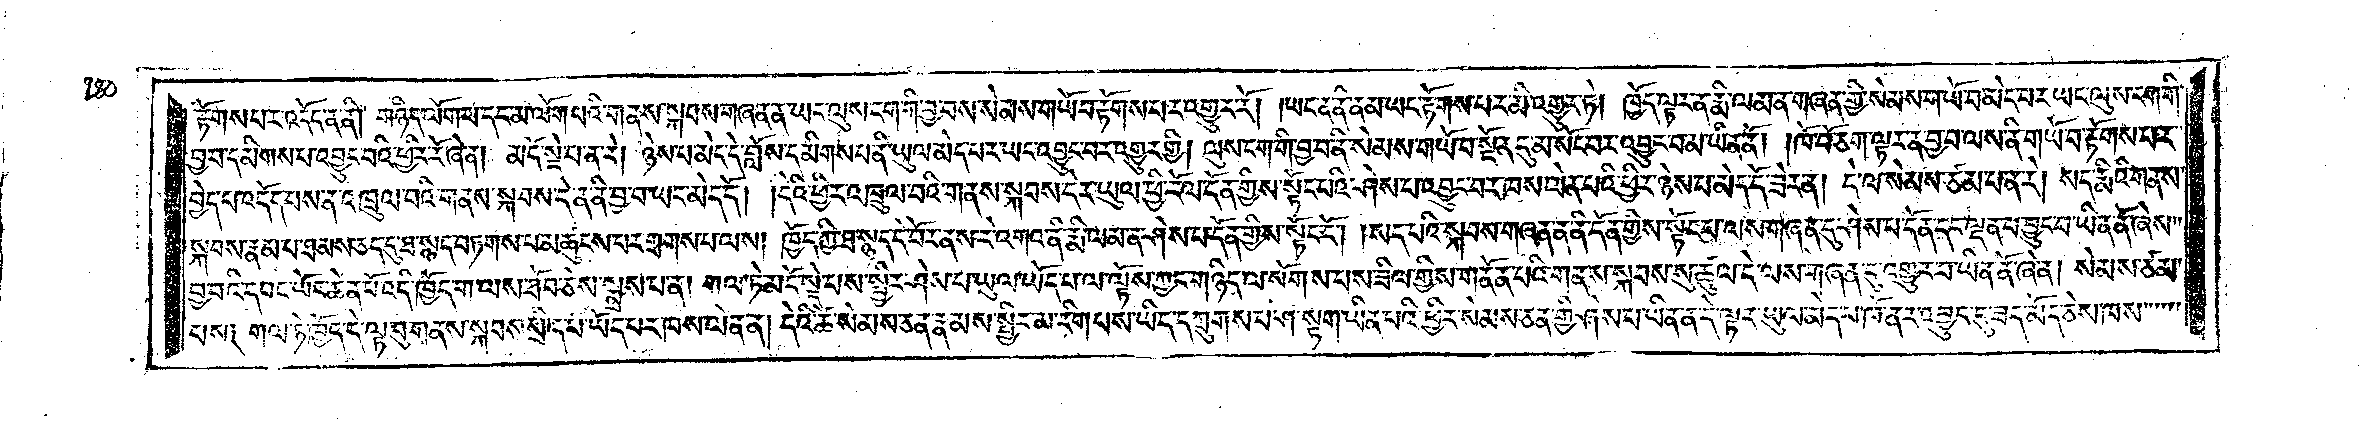རྟོགས་པར་འདོད་ན་ནི། གཉིད་ལོག་པ་དང་མ་ལོག་པའི་གནས་སྐབས་གཞན་ན་ཡང་ལུས་ངག་གི་བྱ་བས་སེམས་གཡོ་བ་རྟོགས་པར་འགྱུར་རོ། །ཡང་ན་ནི་ནམ་ཡང་རྟོགས་པར་མི་འགྱུར་ཏེ། ཁྱོད་ལྟར་ན་རྨི་ལམ་ན་གཞན་གྱི་སེམས་གཡོ་བ་མེད་པར་ཡང་ལུས་ངག་གི་
བྱ་བ་དམིགས་པ་འབྱུང་བའི་ཕྱིར་རོ་ཞེ་ན། མདོ་སྡེ་པ་ན་རེ། ཉེས་པ་མེད་དེ་བློས་དམིགས་པ་ནི་ཡུལ་མེད་པར་ཡང་འབྱུང་བར་འགྱུར་གྱི། ལུས་ངག་གི་བྱ་བ་ནི་སེམས་གཡོ་བ་སྔོན་དུ་མ་སོང་བར་འབྱུང་བ་མ་ཡིན་ནོ། །ཁོ་བོ་ཅག་ལྟར་ན་བྱ་བ་ལས་ནི་གཡོ་བ་རྟོགས་པར་
བྱེད་པ་འདོད་པས་ན་འཁྲུལ་བའི་གནས་སྐབས་དེ་ན་ནི་བྱ་བ་ཡང་མེད་དོ། །དེའི་ཕྱིར་འཁྲུལ་བའི་གནས་སྐབས་དེར་ཡུལ་ཕྱི་རོལ་དོན་གྱིས་སྟོང་པའི་ཤེས་པ་འབྱུང་བར་ཁས་ལེན་པའི་ཕྱིར་ཉེས་པ་མེད་དོ་ཟེར་ན། དེ་ལ་སེམས་ཙམ་པ་ན་རེ། སད་རྨིའི་གནས་
སྐབས་རྣམ་པ་ཐམས་ཅད་དུ་ཐ་སྙད་བཏགས་པ་མཚུངས་པར་གྲགས་པ་ལས། ཁྱོད་ཀྱི་ཐ་སྙད་དེ་བོར་ནས་རེ་འགའ་ནི་རྨི་ལམ་ན་ཤེས་པ་དོན་གྱིས་སྟོང་ངོ། །སད་པའི་སྐབས་གཞན་ན་ནི་དོན་གྱིས་སྟོང་པ་ལས་གཞན་དུ་ཤེས་པ་དོན་དང་ལྡན་པ་བྱུང་བ་ཡིན་ནོ་ཞེས་
བྱ་བའི་དབང་ཡོང་ཆེན་པོ་འདི་ཁྱོད་ག་ལས་ཐོབ་ཅེས་སྨྲས་པ་ན། གལ་ཏེ་མདོ་སྡེ་པས་སྤྱིར་ཤེས་པ་ཡུལ་ཡོད་པ་ལ་ལྟོས་ཀྱང་གཉིད་ལ་སོགས་པས་ཟིལ་གྱིས་གནོན་པའི་གནས་སྐབས་སུ་ཚུལ་དེ་ལས་གཞན་དུ་འགྱུར་བ་ཡིན་ནོ་ཞེ་ན། སེམས་ཙམ་
པས༑ གལ་ཏེ་ཁྱོད་དེ་ལྟ་བུ་གནས་སྐབས་སྲིད་པ་ཡོད་པར་ཁས་ལེན་ན། དེའི་ཚེ་སེམས་ཅན་རྣམས་སྤྱིར་མ་རིག་པས་ཡིད་དཀྲུགས་པ་ཤ་སྟག་ཡིན་པའི་ཕྱིར་སེམས་ཅན་གྱི་ཤེས་པ་ཡིན་ན་དེ་ལྟར་ཡུལ་མེད་པ་ཁོ་ནར་འབྱུང་དུ་ཟད་མོད་ཅེས་ཁས་